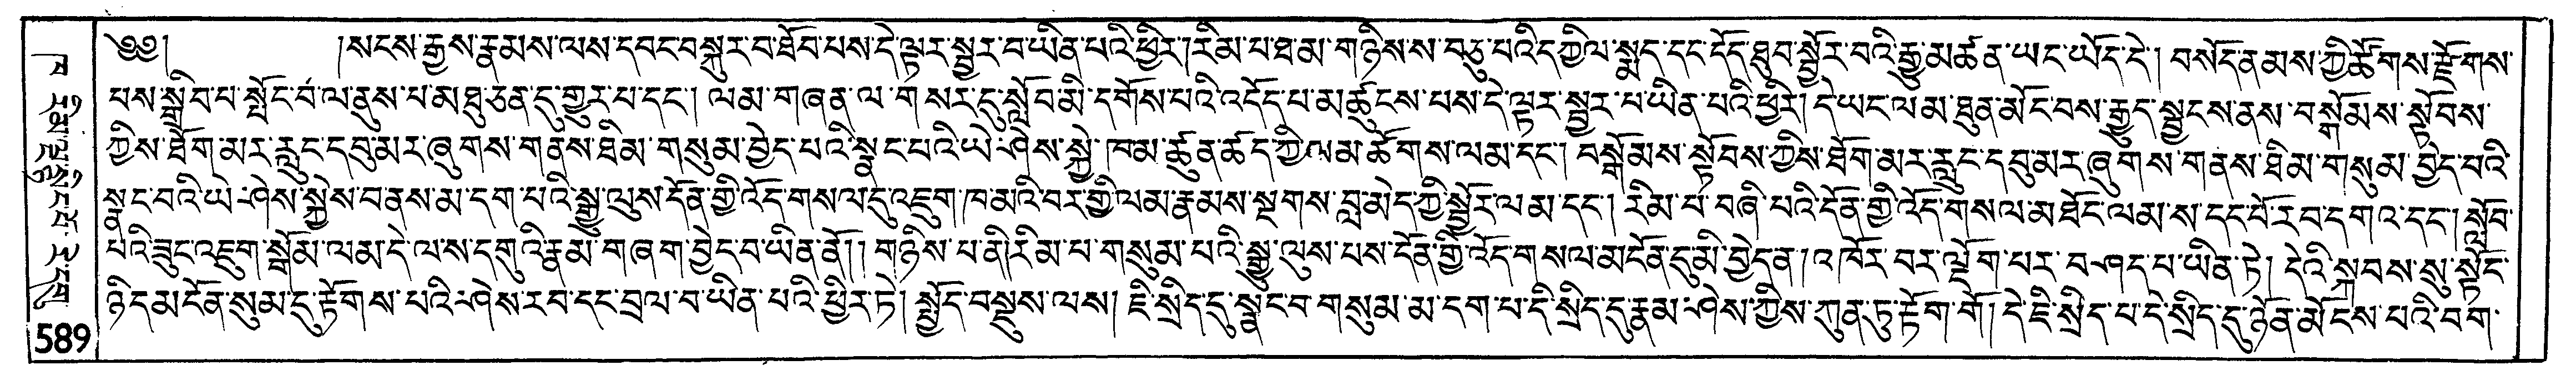༄༅། །སངས་རྒྱས་རྣམས་ལས་དབང་བསྐུར་བ་ཐོབ་པས་དེ་ལྟར་སྦྱར་བ་ཡིན་པའི་ཕྱིར། རིམ་པ་ཐ་མ་གཉིས་ས་བཅུ་པའི་དཀྱིལ་སྨད་དང་དོད་ཐུབ་སྦྱོར་བའི་རྒྱུ་མཚན་ཡང་ཡོད་དེ། བསོད་ནམས་ཀྱི་ཚོགས་རྫོགས་
པས་སྒྲིབ་པ་སྤོང་བ་ལ་ནུས་པ་མཐུ་ཅན་དུ་གྱུར་པ་དང་། ལམ་གཞན་ལ་གསར་དུ་སློབ་མི་དགོས་པའི་འདོད་པ་མཚུངས་པས་དེ་ལྟར་སྦྱར་པ་ཡིན་པའི་ཕྱིར། དེ་ཡང་ལམ་ཐུན་མོང་བས་རྒྱུད་སྦྱངས་ནས་བསྒོམས་སྟོབས་
ཀྱིས་ཐོག་མར་རླུང་དབུ་མར་ཞུགས་གནས་ཐིམ་གསུམ་བྱེད་པའི་སྣང་པའི་ཡེ་ཤེས་སྐྱེ་ཁ་མ་ཚུན་ཚད་ཀྱི་ལམ་ཚོགས་ལམ་དང་། བསྒོམས་སྟོབས་ཀྱིས་ཐོག་མར་རླུང་དབུ་མར་ཞུགས་གནས་ཐིམ་གསུམ་བྱེད་པའི་
སྣང་བའི་ཡེ་ཤེས་སྐྱེས་བ་ནས་མ་དག་པའི་སྒྱུ་ལུས་དོན་གྱི་འོད་གསལ་དུ་འཇུག་ཁ་མའི་བར་གྱི་ལམ་རྣམས་སྔགས་བླ་མེད་ཀྱི་སྦྱོར་ལམ་དང་། རིམ་པ་བཞི་པའི་དོན་གྱི་འོད་གསལ་མཐོང་ལམ་ས་དང་པོ་རབ་དགའ་དང་། སློབ་
པའི་ཟུང་འཇུག་སྒོམ་ལམ་དེ་ལ་ས་དགུའི་རྣམ་གཞག་བྱེད་བ་ཡིན་ནོ། །གཉིས་པ་ནི། རིམ་པ་གསུམ་པའི་སྒྱུ་ལུས་པས་དོན་གྱི་འོད་གསལ་མངོན་དུ་མི་བྱེད་ན། འཁོར་བར་ལྡོག་པར་བཤད་པ་ཡིན་ཏེ། དེའི་སྐབས་སུ་སྟོང་
ཉིད་མངོན་སུམ་དུ་རྟོགས་པའི་ཤེས་རབ་དང་བྲལ་བ་ཡིན་པའི་ཕྱིར་ཏེ། སྤྱོད་བསྡུས་ལས། ཇི་སྲིད་དུ་སྣང་བ་གསུམ་མ་དག་པ་དི་སྲིད་དུ་རྣམ་ཤེས་ཀྱིས་ཀུན་ཏུ་རྟོག་གོ །དེ་ཇི་སྲིད་པ་དེ་སྲིད་དུ་ཉོན་མོངས་པའི་བག་